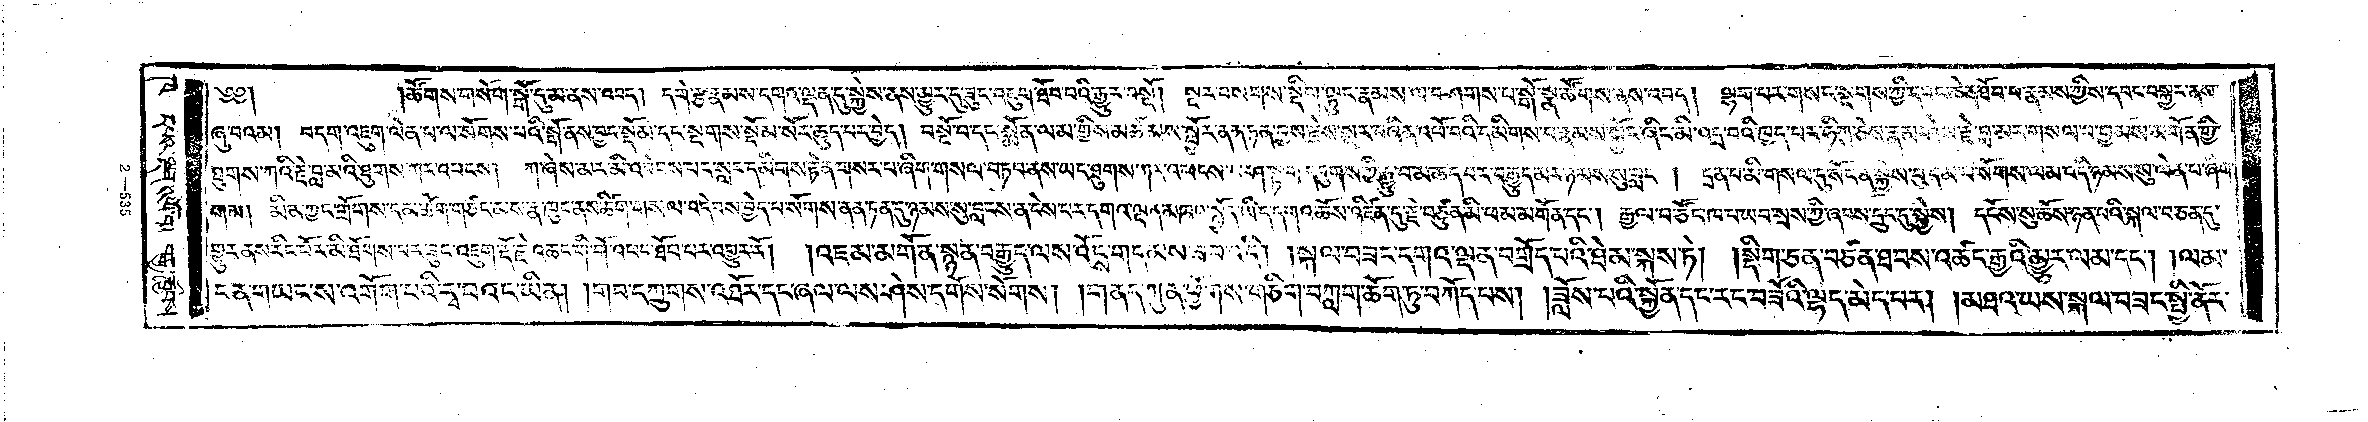༄༅། །ཚོགས་གསོག་སྒོ་དུ་མ་ནས་འབད། དགེ་རྩ་རྣམས་དགའ་ལྡན་དུ་སྐྱེས་ནས་མྱུར་དུ་ཟུང་འཇུག་ཐོབ་པའི་རྒྱུར་བསྔོ། སྔར་བསགས་སྡིག་ལྟུང་རྣམས་ལ་བཤགས་པ་སྒོ་སྣ་ཚོགས་ནས་འབད། ལྷག་པར་གསང་སྔགས་ཀྱི་དབང་ཆེན་ཐོབ་པ་རྣམས་ཀྱིས་དབང་བསྐྱར་ནས་
ཞུ་བའམ། བདག་འཇུག་ལེན་པ་ལ་སོགས་པའི་སྒོ་ནས་བྱང་སྡོམ་དང་སྔགས་སྡོམ་སོར་ཆུད་པར་བྱེད། བསྔོ་བ་དང་སྨོན་ལམ་གྱིས་མཚམས་སྦྱོར་ནན་ཏན་བྱས་རྗེས་སྔར་བཞིན་འཕོ་བའི་དམིགས་པ་རྣམས་སྐྱོང་ཞིང་མི་འདྲ་བའི་ཁྱད་པར་ཧིཀ་ཅེས་རྣམ་ཤེས་རྗེ་བླ་མར་གསལ་བ་བྱམས་མགོན་གྱི་
ཐུགས་ཀའི་རྗེ་བླ་མའི་ཐུགས་ཀར་འབངས༑ ཀ་ཞེས་མར་མི་འབེབས་པར་སླར་དམིགས་རྟེན་གསར་པ་ཞིག་གསལ་བཏབ་ནས་ཡང་ཐུགས་ཀར་འཕངས་པ་ཤ་སྟག་དབུགས་ཀྱི་རྒྱུ་བ་མཆད་བར་བརྒྱུད་མར་ཉམས་སུ་བླང་།དྲན་པ་མི་གསལ་དུ་སོང་ན་སྐྱེས་བུ་དམ་པ་སོགས་ལམ་འདི་ཉམས་སུ་ལེན་པ་ཞིག་
གམ། མིན་ཀྱང་གྲོགས་དམ་ཚེག་གཙང་མས་རྣ་ཁུང་ནས་ཚིག་གསལ་འདེབས་བྱེད་པ་སོགས་ནན་ཏན་དུ་ཉམས་སུ་བླངས་ན་ངེས་པར་དགའ་ལྡན་མཁའ་སྤྱོད་ཡིད་དགའ་ཆོས་འཛིན་དུ་རྗེ་བཙུན་མི་ཕམ་མགོན་དང་། རྒྱལ་བ་ཙོང་ཁ་པ་ཡབ་སྲས་ཀྱི་ཞབས་དྲུང་དུ་སྐྱེས། དངོས་སུ་ཆོས་ཉན་པའི་སྐལ་བ་ཅན་དུ་
གྱུར་ནས་རིང་པོར་མི་ཐོགས་བར་ཟུང་འཇུག་རྡོ་རྗེ་འཆང་གི་གོ་འཕང་ཐོབ་པར་འགྱུར་རོ། །འཇམ་མགོན་སྙན་བརྒྱུད་ལས་འོངས་གདམས་ཟབ་འདི། །སྐལ་བཟང་དགའ་ལྡན་བགྲོད་པའི་ཐེམ་སྐས་ཏེ། །སྡིག་ཅན་བཙན་ཐབས་འཚང་རྒྱའི་མྱུར་ལམ་དང་། །ལམ་
ངན་གཡང་ས་འགོག་པའི་རྭ་བའང་ཡིན། །གབ་དཀྲུགས་འཐོར་དང་ཞལ་ལས་ཤེས་དགོས་སོགས། །གནད་ཀུན་ཕྱོགས་གཅིག་བཀླག་ཆོག་ཏུ་བཀོད་པས། །ཟློས་པའི་སྐྱོན་དབ་རང་བཟོའི་ལྷད་མེད་བར། །མཐའ་ཡས་སྐལ་བཟང་སྤྱི་ནོར་